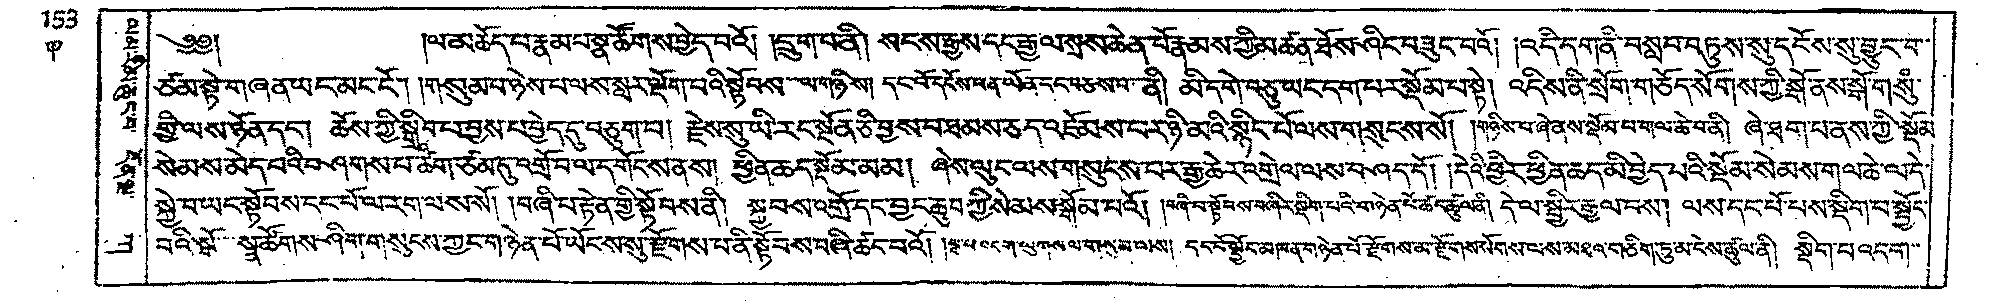༄༅། །ལ་མཆོད་པ་རྣམ་པ་སྣ་ཚོགས་བྱེད་པའོ། །དྲུག་པ་ནི། སངས་རྒྱས་དང་རྒྱལ་སྲས་ཆེན་པོ་རྣམས་ཀྱི་མཚན་ཐོས་ཤིང་བཟུང་བའོ། །འདི་དག་ནི་བསླབ་བཏུས་སུ་དངོས་སུ་བྱུང་བ་
ཙམ་སྟེ་གཞན་ཡང་མང་ངོ། །གསུམ་པ་ཉེས་པ་ལས་སྔར་ལྡོག་པའི་སྟོབསལ་གཉིས། དང་པོ་དངོས་ཕན་ཡོན་དང་བཅས་པ་ནི། མི་དགེ་བཅུ་ཡང་དག་པར་སྡོམ་པ་སྟེ། འདིས་ནི་སྲོག་གཅོད་སོགས་ཀྱི་སྒོ་ནས་སྒོ་གསུཾ་
གྱི་ལས་ཉོན་དང་། ཆོས་ཀྱི་སྒྲིབ་པ་བྱས་པ་བྱེད་དུ་བཅུག་པ། རྗེས་སུ་ཡི་རང་སྔོན་ཅི་བྱས་པ་ཐམས་ཅད་འཇོམས་པར་ཉི་མའི་སྙིང་པོ་ལས་གསུངས་སོ། ། གཉིས་པ་ཞེ་ནས་སྡོམ་པ་གལ་ཆེ་བ་ནི། ཞེ་ཐག་པ་ནས་ཀྱི་སྡོམ་
སེམས་མེད་པའི་བཤགས་པ་ཚིག་ཙམ་དུ་འགྲོ་བ་ལ་དགོངས་ནས། ཕྱིན་ཆད་སྡོམ་མམ། ཞེས་ལུང་ལས་གསུངས་པར་རྒྱ་ཆེར་འགྲེལ་ལས་བཤད་དོ། །དེའི་ཕྱིར་ཕྱིན་ཆད་མི་བྱེད་པའི་སྡོམ་སེམས་གལ་ཆེ་ལ་དེ་
སྐྱེ་བ་ཡང་སྟོབས་དང་པོ་ལ་རག་ལས་སོ། །བཞི་པ་རྟེན་གྱི་སྟོབས་ནི། སྐྱབས་འགྲོ་དང་བྱང་ཆུབ་ཀྱི་སེམས་སྒོམ་པའོ། ། བཞི་པ་སྟོབས་བཞིར་སྡིག་པའི་གཉེན་པོ་ཚང་ཚུལ་ནི། དེ་ལ་སྤྱིར་རྒྱལ་བས། ལས་དང་པོ་པས་སྡིག་པ་སྦྱོང་
བའི་སྒོསྣ་ཚོགས་ཤིག་གསུངས་ཀྱང་གཉེན་པོ་ཡོངས་སུ་རྫོགས་པ་ནི་སྟོབས་བཞི་ཚང་བའོ། ། ལྔ་པ་འདག་ལུགས་ལ་གསུམ་ལས། དང་པོ་སྦྱོང་མཁན་གཉེན་པོ་རྫོགས་མ་རྫོགས་སོགས་ལས་མཐའ་གཅིག་ཏུ་མ་ངེས་ཚུལ་ནི། སྡིག་པ་འདག་